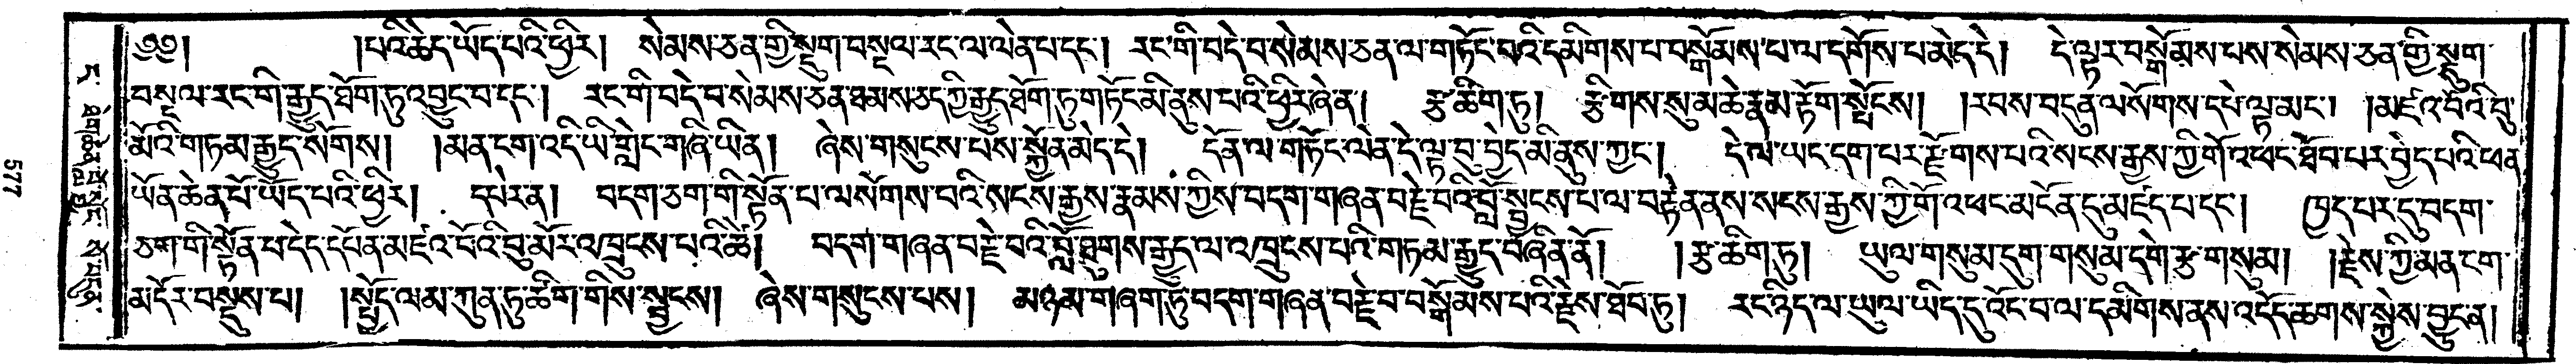༄༅། །པའི་ཆེད་ཡོད་པའི་ཕྱིར། སེམས་ཅན་གྱི་སྡུག་བསྔལ་རང་ལ་ལེན་པ་དང་། རང་གི་བདེ་བ་སེམས་ཅན་ལ་གཏོང་བའི་དམིགས་པ་བསྒོམས་པ་ལ་དགོས་པ་མེད་དེ། དེ་ལྟར་བསྒོམས་པས་སེམས་ཅན་གྱི་སྡུག་
བསྔལ་རང་གི་རྒྱུད་ཐོག་ཏུ་འབྱུང་བ་དང་། རང་གི་བདེ་བ་སེམས་ཅན་ཐམས་ཅད་ཀྱི་རྒྱུད་ཐོག་ཏུ་གཏོང་མི་ནུས་པའི་ཕྱིར་ཞེ་ན། རྩ་ཚིག་ཏུ། རྩིགས་སུ་མ་ཆེ་རྣམས་རྟོག་སྤོངས། །རབས་བདུན་ལ་སོགས་དཔེ་ལྟ་མང་། །མཛའ་བོའི་བུ་
མོའི་གཏམ་རྒྱུད་སོགས། །མན་ངག་འདི་ཡི་གླེང་གཞི་ཡིན། ཞེས་གསུངས་པས་སྐྱོན་མེད་དེ། དོན་ལ་གཏོང་ལེན་དེ་ལྟ་བུ་བྱེད་མི་ནུས་ཀྱང་། དེ་ལ་ཡང་དག་པར་རྫོགས་པའི་སངས་རྒྱས་ཀྱི་གོ་འཕང་ཐོབ་པར་བྱེད་པའི་ཕན་
ཡོན་ཆེན་པོ་ཡོད་པའི་ཕྱིར། དཔེར་ན། བདག་ཅག་གི་སྟོན་པ་ལ་སོགས་པའི་སངས་རྒྱས་རྣམས་ཀྱིས་བདག་གཞན་བརྗེ་བའི་བློ་སྦྱངས་པ་ལ་བརྟེན་ནས་སངས་རྒྱས་ཀྱི་གོ་འཕང་མངོན་དུ་མཛད་པ་དང་། ཁྱད་པར་དུ་བདག་
ཅག་གི་སྟོན་པ་དེད་དཔོན་མཛའ་བོའི་བུ་མོར་འཁྲུངས་པའི་ཚེ། བདག་གཞན་བརྗེ་བའི་བློ་ཐུགས་རྒྱུད་ལ་འཁྲུངས་པའི་གཏམ་རྒྱུད་བཞིན་ནོ། །རྩ་ཚིག་ཏུ། ཡུལ་གསུམ་དུག་གསུམ་དགེ་རྩ་གསུམ། །རྗེས་ཀྱི་མན་ངག་
མདོར་བསྡུས་པ། །སྤྱོད་ལམ་ཀུན་ཏུ་ཚིག་གིས་སྦྱངས། ཞེས་གསུངས་པས། མཉམ་གཞག་ཏུ་བདག་གཞན་བརྗེ་བ་བསྒོམས་པའི་རྗེས་ཐོབ་ཏུ། རང་ཉིད་ལ་ཡུལ་ཡིད་དུ་འོང་བ་ལ་དམིགས་ནས་འདོད་ཆགས་སྐྱེས་བྱུང་ན།